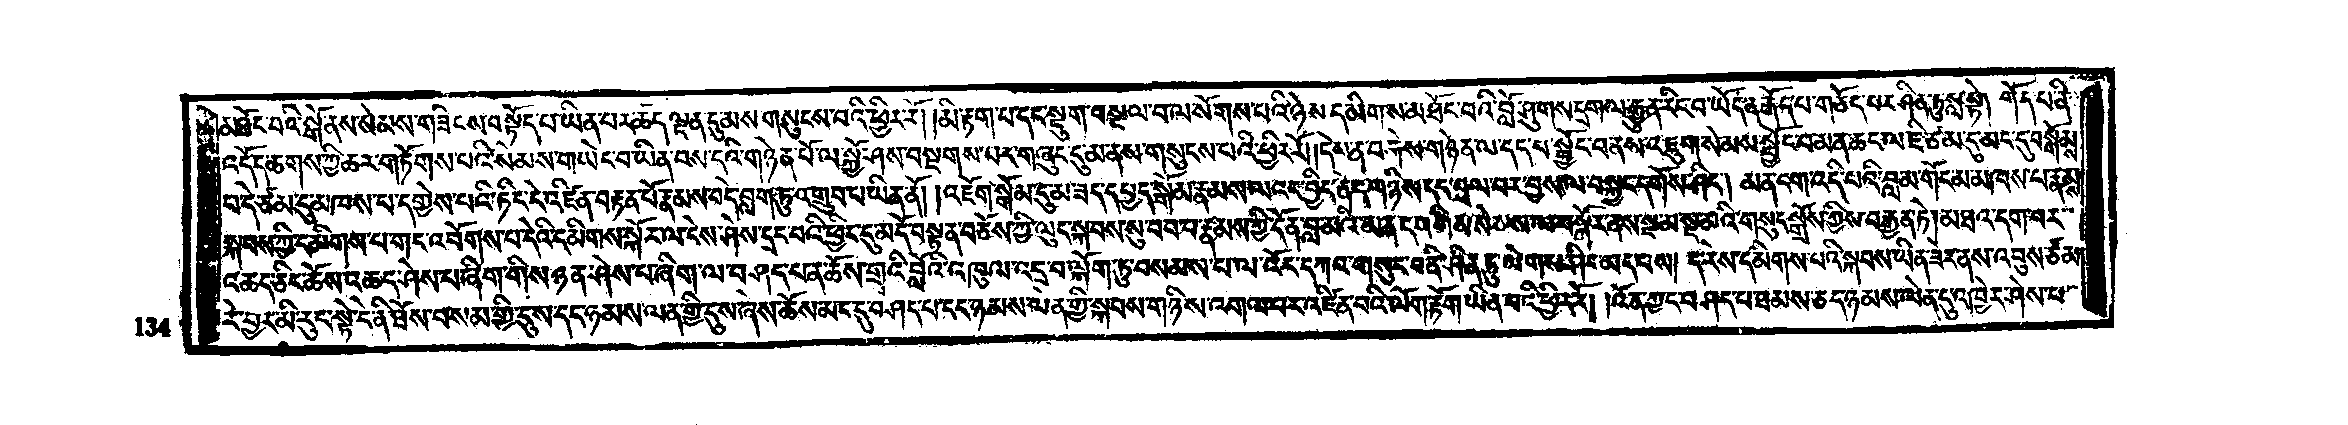མཐོང་བའི་སྒོ་ནས་སེམས་གཟེངས་བསྟོད་པ་ཡིན་པར་ཚད་ལྡན་དུ་མས་གསུངས་བའི་ཕྱིར་རོ། །མི་རྟག་པ་དང་སྡུག་བསྔལ་བ་ལ་སོགས་པའི་ཉེས་དམིགས་མཐོང་བའི་བློ་ཤུགས་དྲག་ལ་རྒྱུན་རིང་བ་ཡོད་ན་རྒོད་པ་གཅོད་པར་ཤིན་ཏུ་སླ་སྟེ། རྒོད་པ་ནི་
འདོད་ཆགས་ཀྱི་ཆར་གཏོགས་པའི་སེམས་གཡེང་བ་ཡིན་བས་དེའི་གཉེན་པོ་ལ་སྐྱོ་ཤས་བསྔགས་པར་གཞུང་དུ་མ་ནས་གསུངས་པའི་ཕྱིར་རོ། །དེས་ན་བཤེས་གཉེན་ལ་དད་པ་སྦྱོང་བ་ནས་འཇུག་སེམས་སྦྱོང་བ་མན་ཆད་ལ་ཇི་ཙམ་དུ་མང་དུ་བསྒོམས་
པ་དེ་ཙམ་དུ་མཁས་པ་དགྱེས་པའི་ཏིང་ངེ་འཛིན་བརྟན་པོ་རྣམས་བདེ་བླག་ཏུ་འགྲུབ་པ་ཡིན་ནོ། །འཇོག་སྒོམ་དུ་མ་ཟད་དཔྱད་སྒོམ་རྣམས་ལའང་བྱིང་རྒོད་གཉིས་དང་བྲལ་བར་བྱས་ལ་བསྐྱང་དགོས་ཤིང་། མན་ངག་འདི་པའི་བླ་མ་གོང་མ་མཁས་པ་རྣམས་
སྐབས་ཀྱི་དམིགས་པ་གང་འབོགས་པ་དེའི་དམིགས་སྐོར་ལ་ངེས་ཤེས་དྲང་བའི་ཕྱིར་དུ་མདོ་བསྟན་བཅོས་ཀྱི་ལུང་སྐབས་སུ་བབ་པ་རྣམས་ཀྱི་དོན་བླ་མའི་མན་ངག་གིས་སེམས་ལ་བསྐོར་ནས་སྔ་མ་སྔ་མའི་གསུང་སྒྲོས་ཀྱིས་བརྒྱན་ཏེ། མཐའ་དག་པར་
འཆད་ཅིང་ཆོས་འཆད་ཤེས་པ་ཞིག་གིས་ཉན་ཤེས་པ་ཞིག་ལ་བཤད་པ་ན་ཆོས་གྲྭའི་བློའི་འཁུལ་འདྲ་བ་ལྐོག་ཏུ་བསམས་པ་ལ་འོང་དཀའ་གསུང་བ་ནི་ཤིན་ཏུ་ལེགས་ཤིང་མད་པས། ད་རེས་དམིགས་པའི་སྐབས་ཡིན་ཟེར་ནས་འབུས་ཙམ་
རེ་བྱར་མི་རུང་སྟེ་དེ་ནི་ཐོས་བསམ་གྱི་དུས་དང་ཉམས་ལེན་གྱི་དུས་ཞེས་ཆོས་མང་དུ་བཤད་པ་དང་ཉམས་ལེན་གྱི་སྐབས་གཉིས་འགལ་བར་འཛིན་པའི་ལོག་རྟོག་ཡིན་པའི་ཕྱིར་རོ། །འོན་ཀྱང་བཤད་པ་ཐམས་ཅད་ཉམས་ལེན་དུ་འཁྱེར་ཤེས་པ་